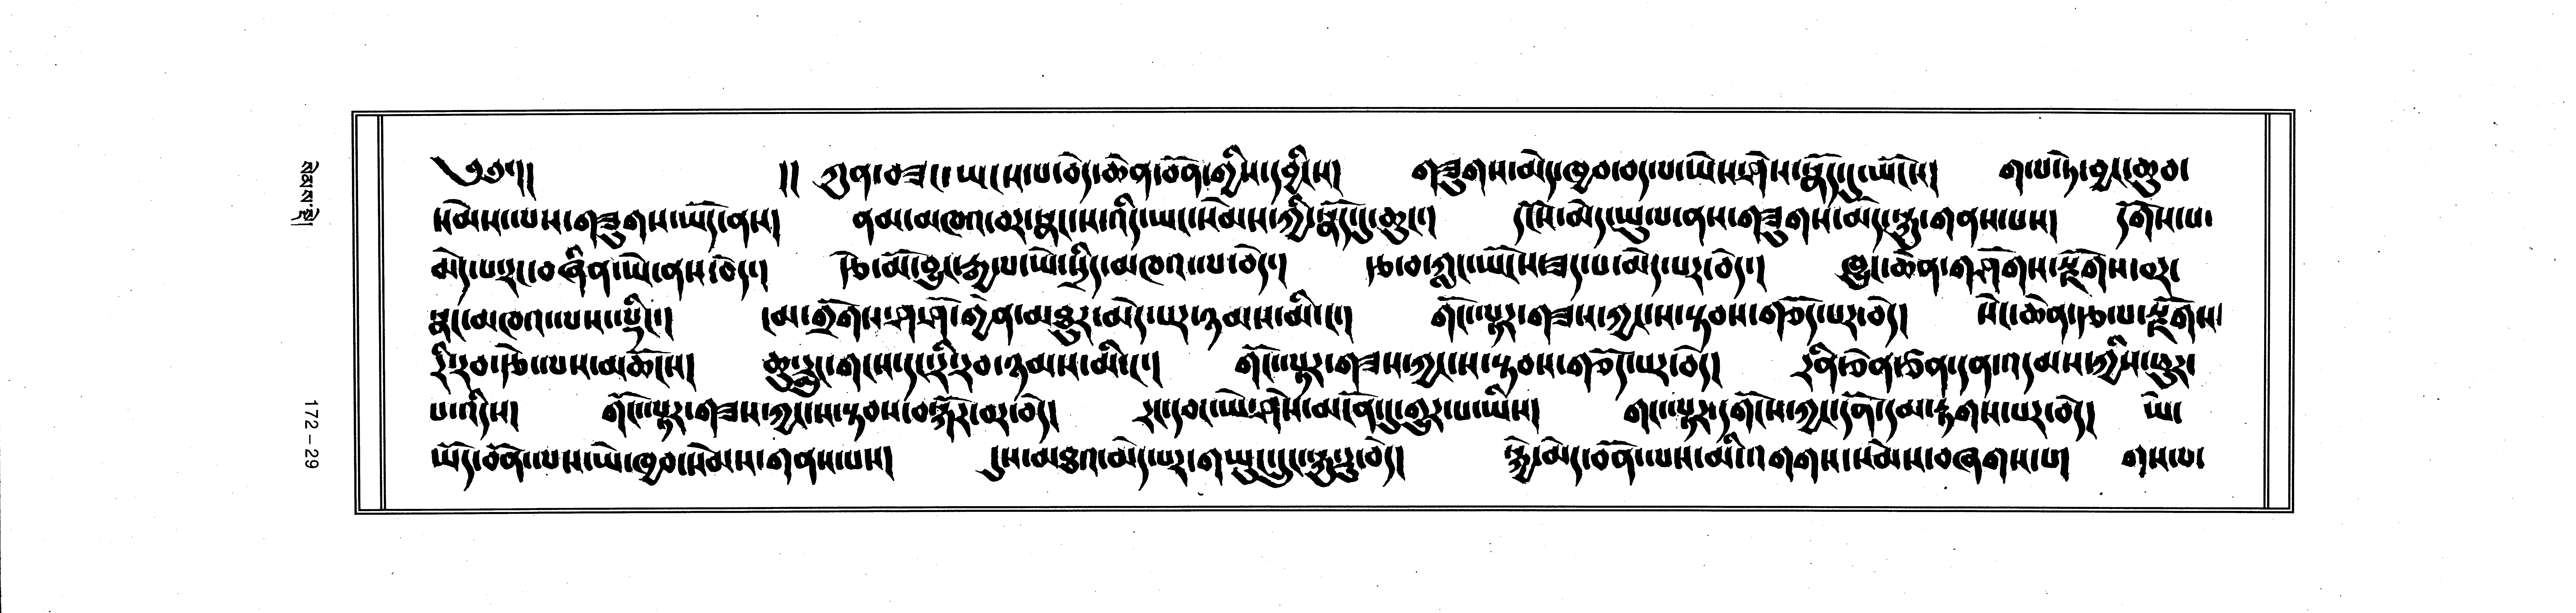ཀུན་བཟང་ཡངས་པ་བདེ་ཆེན་བོན་གྱི་དབྱིངས། གཟུགས་མེད་ཁྱབ་བདལ་ཡེ་ཤེས་སྣོད་དུ་ཡངས། གལ་ཏེ་བྱང་ཆུབ་
སེམས་ལས་གཟུགས་ཡོད་ནས། ནམ་མཁའ་བར་སྣང་ས་འདི་ཡང་སེམས་ཀྱི་སྣོད་དུ་ཆུང་། དངོས་མེད་ཡུལ་ནས་གཟུགས་མེད་སྐུ་གནས་པས། དོགས་པ་
མེད་པ་རང་བཞིན་ཡེ་ནས་བདེ། རྩེ་མོ་བྱུང་རྒྱལ་ཡེ་སྲིད་མཁའ་ལ་བདེ། རྩ་བ་ཀློང་ཡོངས་ཟད་པ་མེད་པར་བདེ། ཁྱུང་ཆེན་གཤོགས་རྫོགས་བར་
སྣང་མཁའ་ལས་ལྡིང་། ངམ་གྲོགས་ཤ་ཤོ་གྱེན་མཐུར་མེད་པར་ཉམས་མི་ང་། གོང་ལྟར་གཟས་ཀྱང་ས་སྟབས་གཅོད་པར་བདེ། སེང་ཆེན་རྩལ་རྫོགས་
རི་རབ་རྩེ་ལས་མཆོངས། ཆུ་རླུང་གངས་དང་རི་རབ་ཉམས་མི་ང་། གོང་ལྟར་གཟས་ཀྱང་ས་སྟབས་གཅོད་པར་བདེ། རིན་ཅེན་ཙན་དན་འདམས་ཀྱིས་ཕུར་
པ་འདིས། གོང་ལྟར་གཟས་ཀྱང་ས་སྟབས་བསྐོར་བར་བདེ། རང་དབང་ཡེ་ཤེས་མངོན་དུ་གྱུར་པ་ཡིས། གང་ལྟར་དགོངས་ཀྱང་དོན་དམ་རྟགས་པར་བདེ། ཡེ་
ཡོད་བོན་ལས་ཡེ་ཁྱབ་སེམས་གནས་པས། དུས་མཐའ་མེད་པར་གཡུང་དྲུང་སྐུ་རུ་བདེ། སྐྱེ་མེད་བོན་ལས་མི་འགག་སེམས་བཞག་པ། གསལ་ལ་